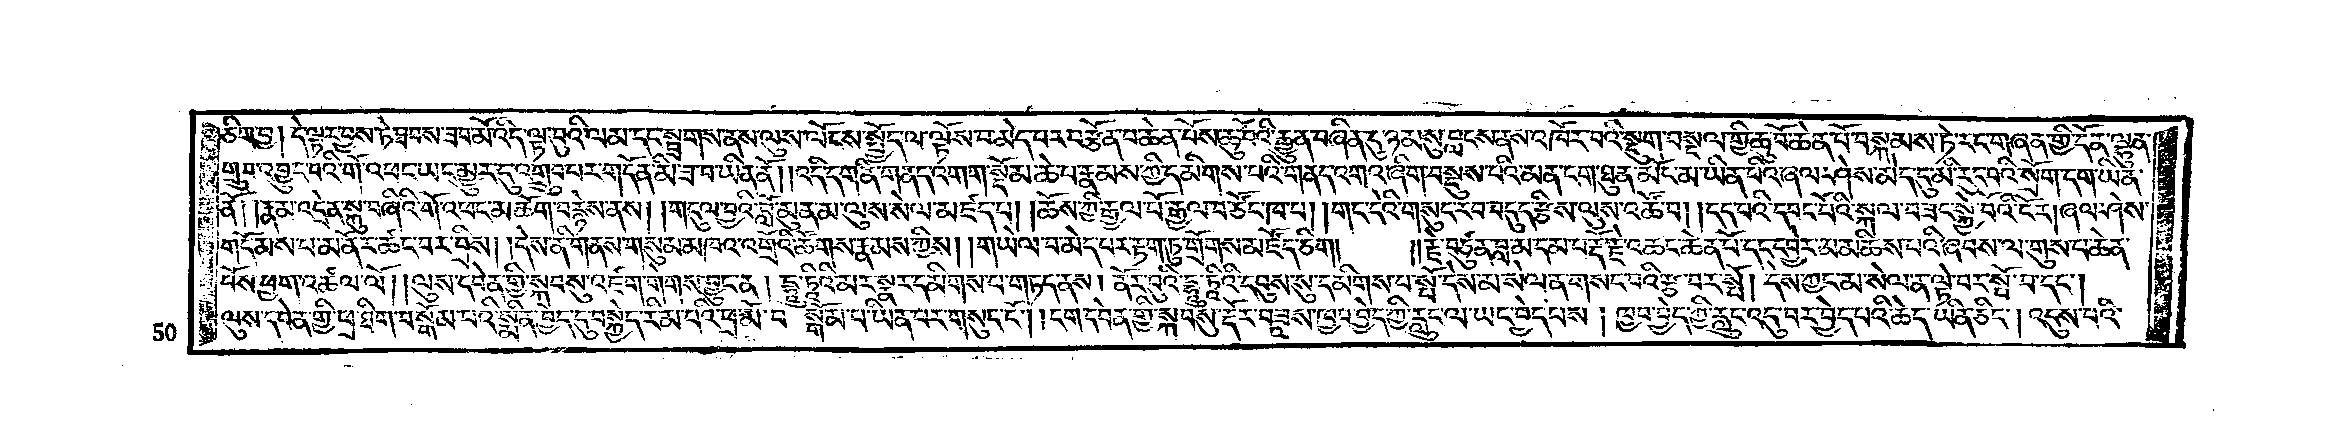ཅིག་བྱ། དེ་ལྟར་བྱས་ཏེ་ཐབས་ཟབ་མོ་འདི་ལྟ་བུའི་ལམ་དང་སྦྲགས་ནས་ལུས་ལོངས་སྤྱོད་ལ་ལྟོས་པ་མེད་པར་བརྩོན་པ་ཆེན་པོས་ཆུ་བོའི་རྒྱུན་བཞིན་དུ་ཉམས་སུ་བླངས་ནས་འཁོར་བའི་སྡུག་བསྔལ་གྱི་ཆུ་བོ་ཆེན་པོ་བསྐམས་ཏེ་རང་གཞན་གྱི་དོན་ལྷུན་
གྲུབ་འབྱུང་བའི་གོ་འཕང་ཡང་མྱུར་དུ་འགྲུབ་པར་གདོན་མི་ཟ་བ་ཡིན་ནོ། །འདི་དག་ནི་གནད་འགག་སྡོམ་ཆེ་བ་རྣམས་ཀྱི་དམིགས་པའི་གནད་འགའ་ཞིག་བསྡུས་པའི་མན་ངག་ཐུན་མོང་མ་ཡིན་པའི་ཞལ་ཤེས་མེད་དུ་མི་རུང་བའི་སྲོག་དག་ཡིན་
ནོ། །རྣམ་འདྲེན་སྐུ་བཞིའི་གོ་འཕང་མཆོག་བརྙེས་ནས། །གདུལ་བྱའི་བློ་མུན་མ་ལུས་སེལ་མཛད་པ། །ཆོས་ཀྱི་རྒྱལ་པོ་རྒྱལ་བ་ཙོང་ཁ་པ། །གང་དེའི་གསུང་རབ་བདུད་རྩིས་ལུས་འཚོ་བ། །དད་པའི་དབང་པོའི་སྐལ་བཟང་སྐྱེ་བོའི་ངོར། ཞལ་ཤེས་
གདོམས་པ་མ་ནོར་ཚང་བར་བྲིས། །དེས་ནི་གནས་གསུམ་མཁའ་འགྲོའི་ཚོགས་རྣམས་ཀྱིས། །གཡེལ་བ་མེད་པར་རྟག་ཏུ་གྲོགས་མཛོད་ཅིག ། །།རྗེ་བཙུན་བླ་མ་དམ་པ་རྡོ་རྗེ་འཆང་ཆེན་པོ་དང་དབྱེར་མ་མཆིས་པའི་ཞབས་ལ་གུས་པ་ཆེན་
པོས་ཕྱག་འཚལ་ལོ། །ལུས་དབེན་གྱི་སྐབས་སུ་འཛག་གེགས་བྱུང་ན། དྷཱུ་ཏཱིའི་མར་སྣར་དམིགས་པ་གཏད་ནས། ནོར་བུའི་དྷཱུ་ཏཱིའི་དབུས་སུ་དམིགས་པ་སྤོ་དེས་མ་སེལ་ན་གསང་བའི་རྩ་བར་སྤོ། དེས་ཀྱང་མ་མ་སེལ་ན་ལྟེ་བར་སྤོ་བ་དང་།
ལུས་དབེན་གྱི་ཕྲ་ཐིག་བསྒོམ་པའི་སྨིན་བྱེད་དུ་བསྐྱེད་རིམ་པའི་ཕ་མོ་བ། སྒོམ་པ་ཡིན་པར་གསུང་ངོ། །དག་དབེན་གྱི་སྐབས་རྡོར་བཟླས་ཁྱབ་བྱེད་ཀྱི་རླུང་ལ་ཡང་བྱེད་པས། ཁྱབ་བྱེད་ཀྱི་རླུང་འདུ་བར་བྱེད་པའི་ཆེད་ཡིན་ཅིང་། འདུས་པའི་